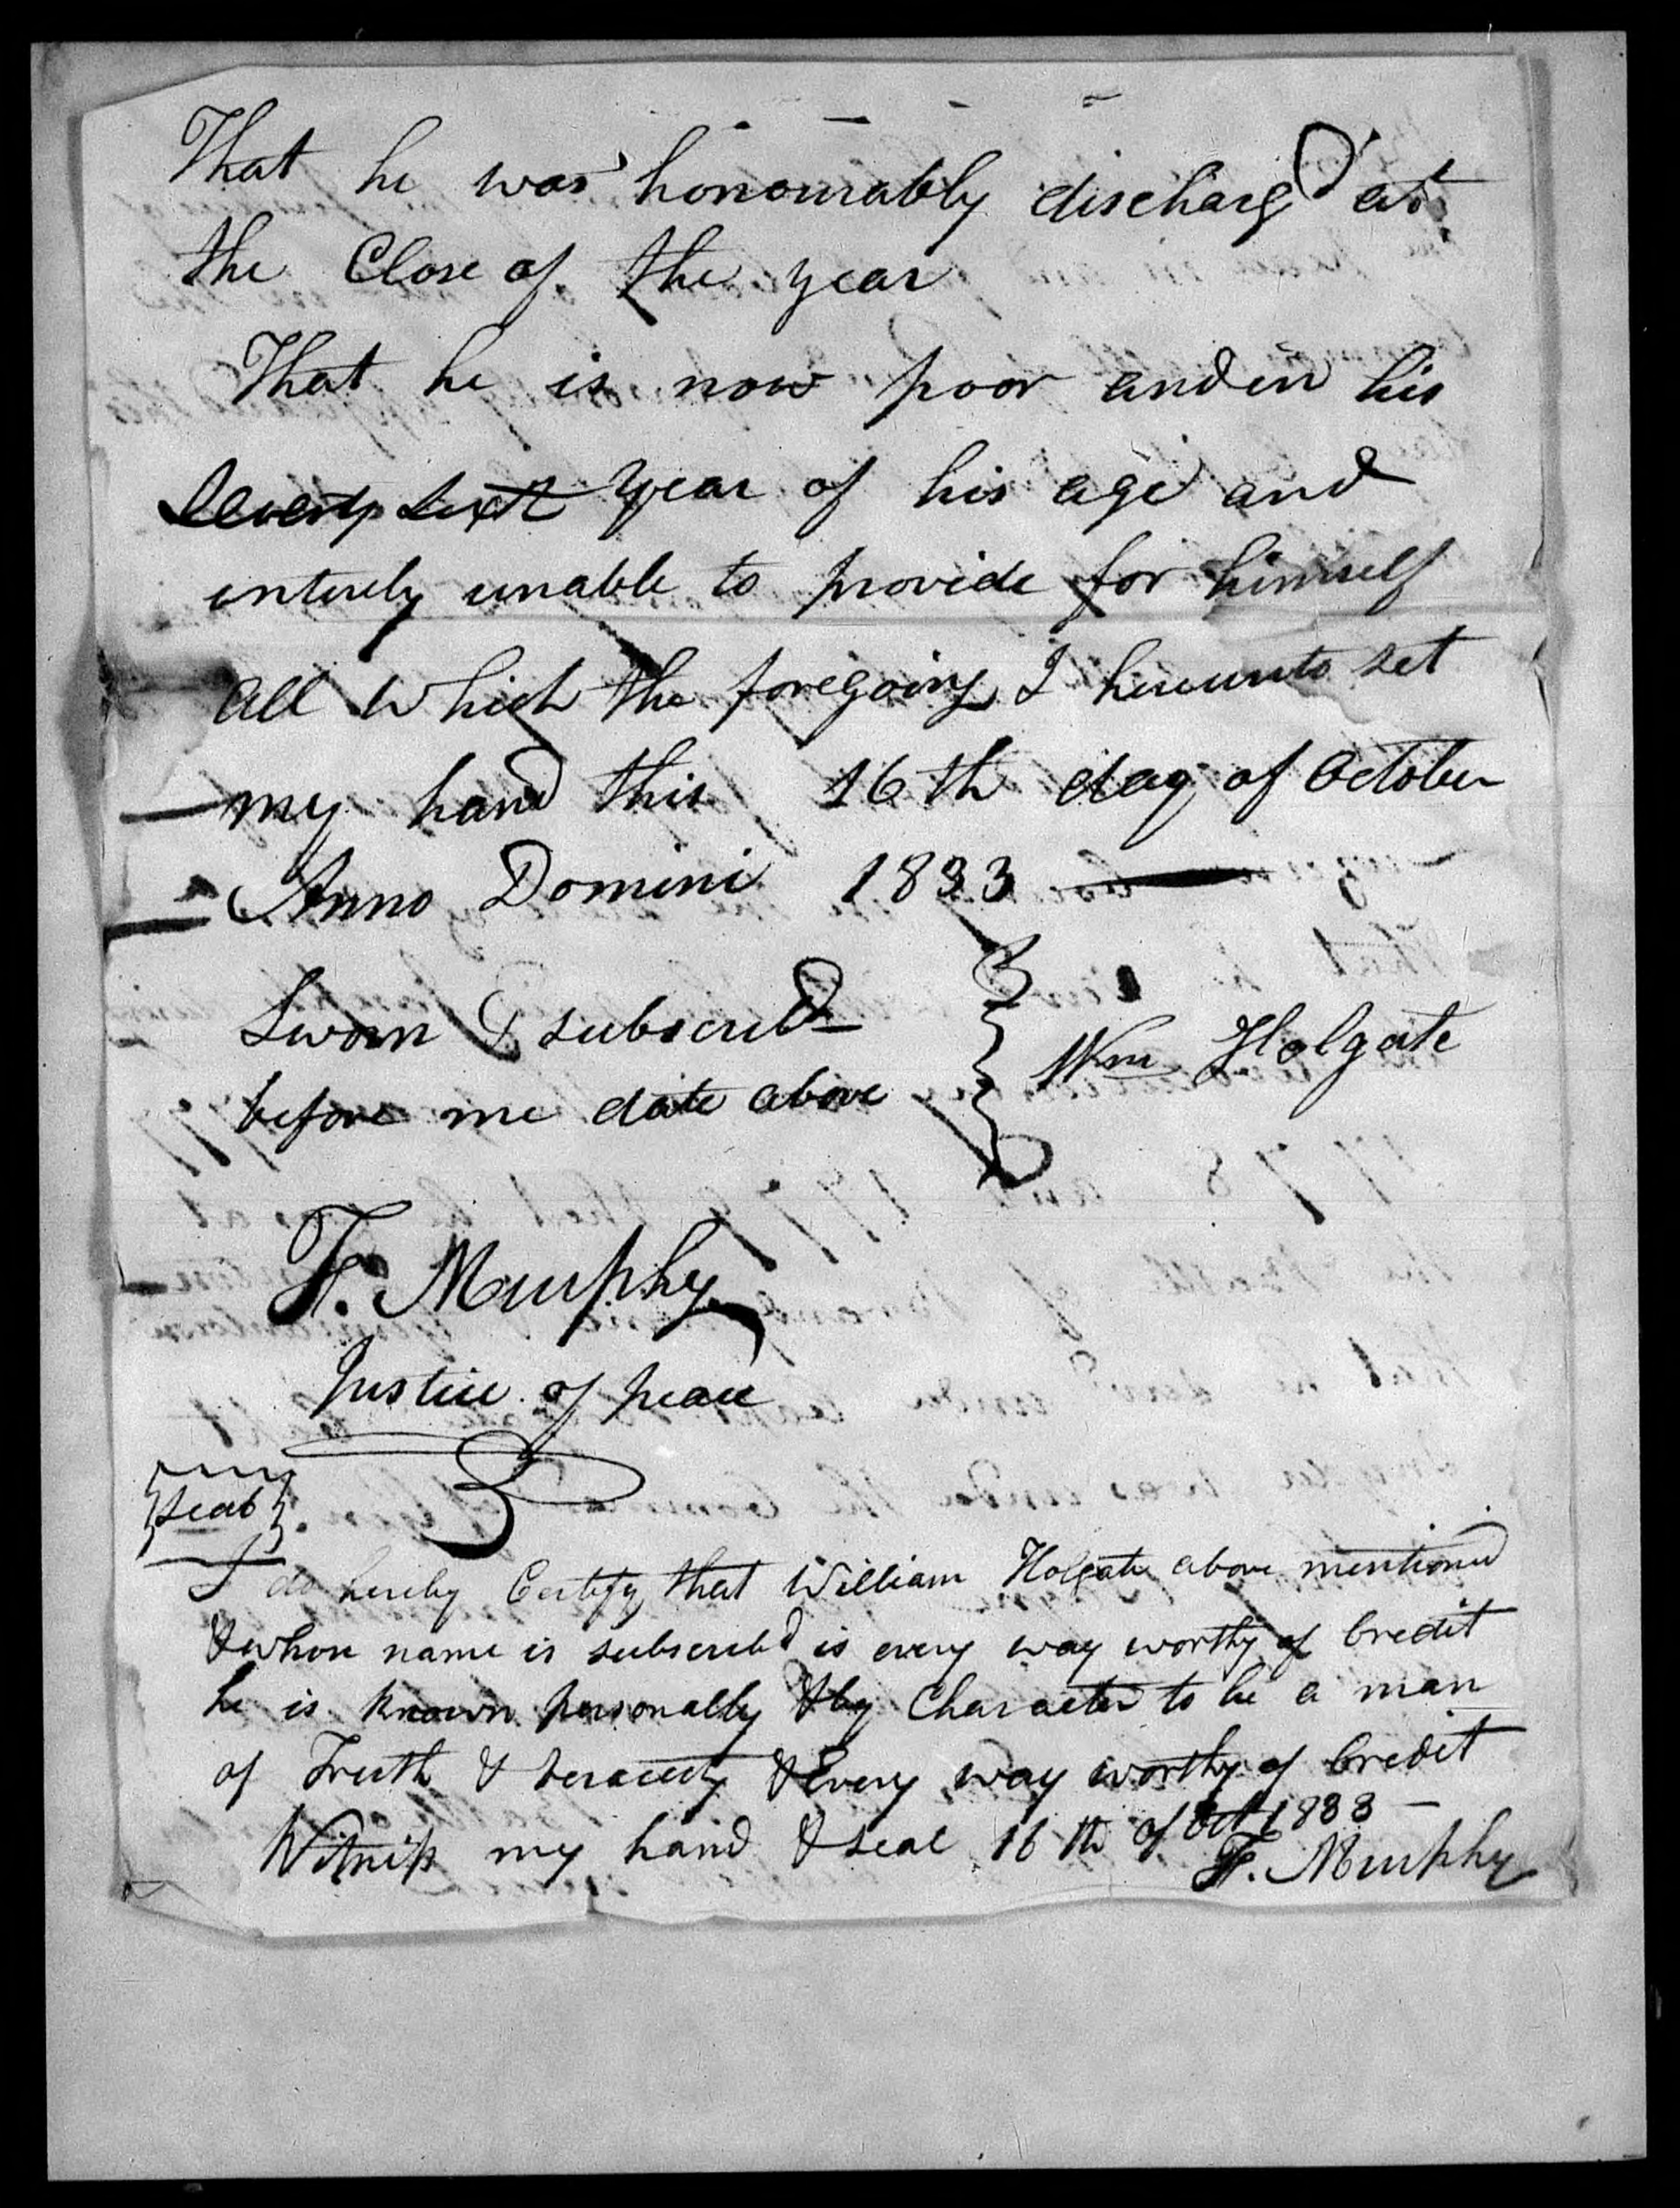That he was honourably discharged at close of the year  
That he is now poor and in his Seventy Sixth year of his age and entirely unable to provide for himself all which the foregoing I hereunto set my hand this 16th day of October Anno Domini 1833 -  Wm. Holgate
Sworn & subscribed before me date above 
F. Murphy Justice of Peace [seal]   
I do hereby certify that William Holgate above mentioned whose name is subscribed is every way worthy of Credit is known personally & by his character to be a man of Truth & Veracity & & every way worthy of Credit 
Witness my hand & seal 17th of Oct 1833
F. Murphy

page: 10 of 31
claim: survivor's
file: S. 6154, for Joseph Sturgis, Pennsylvania